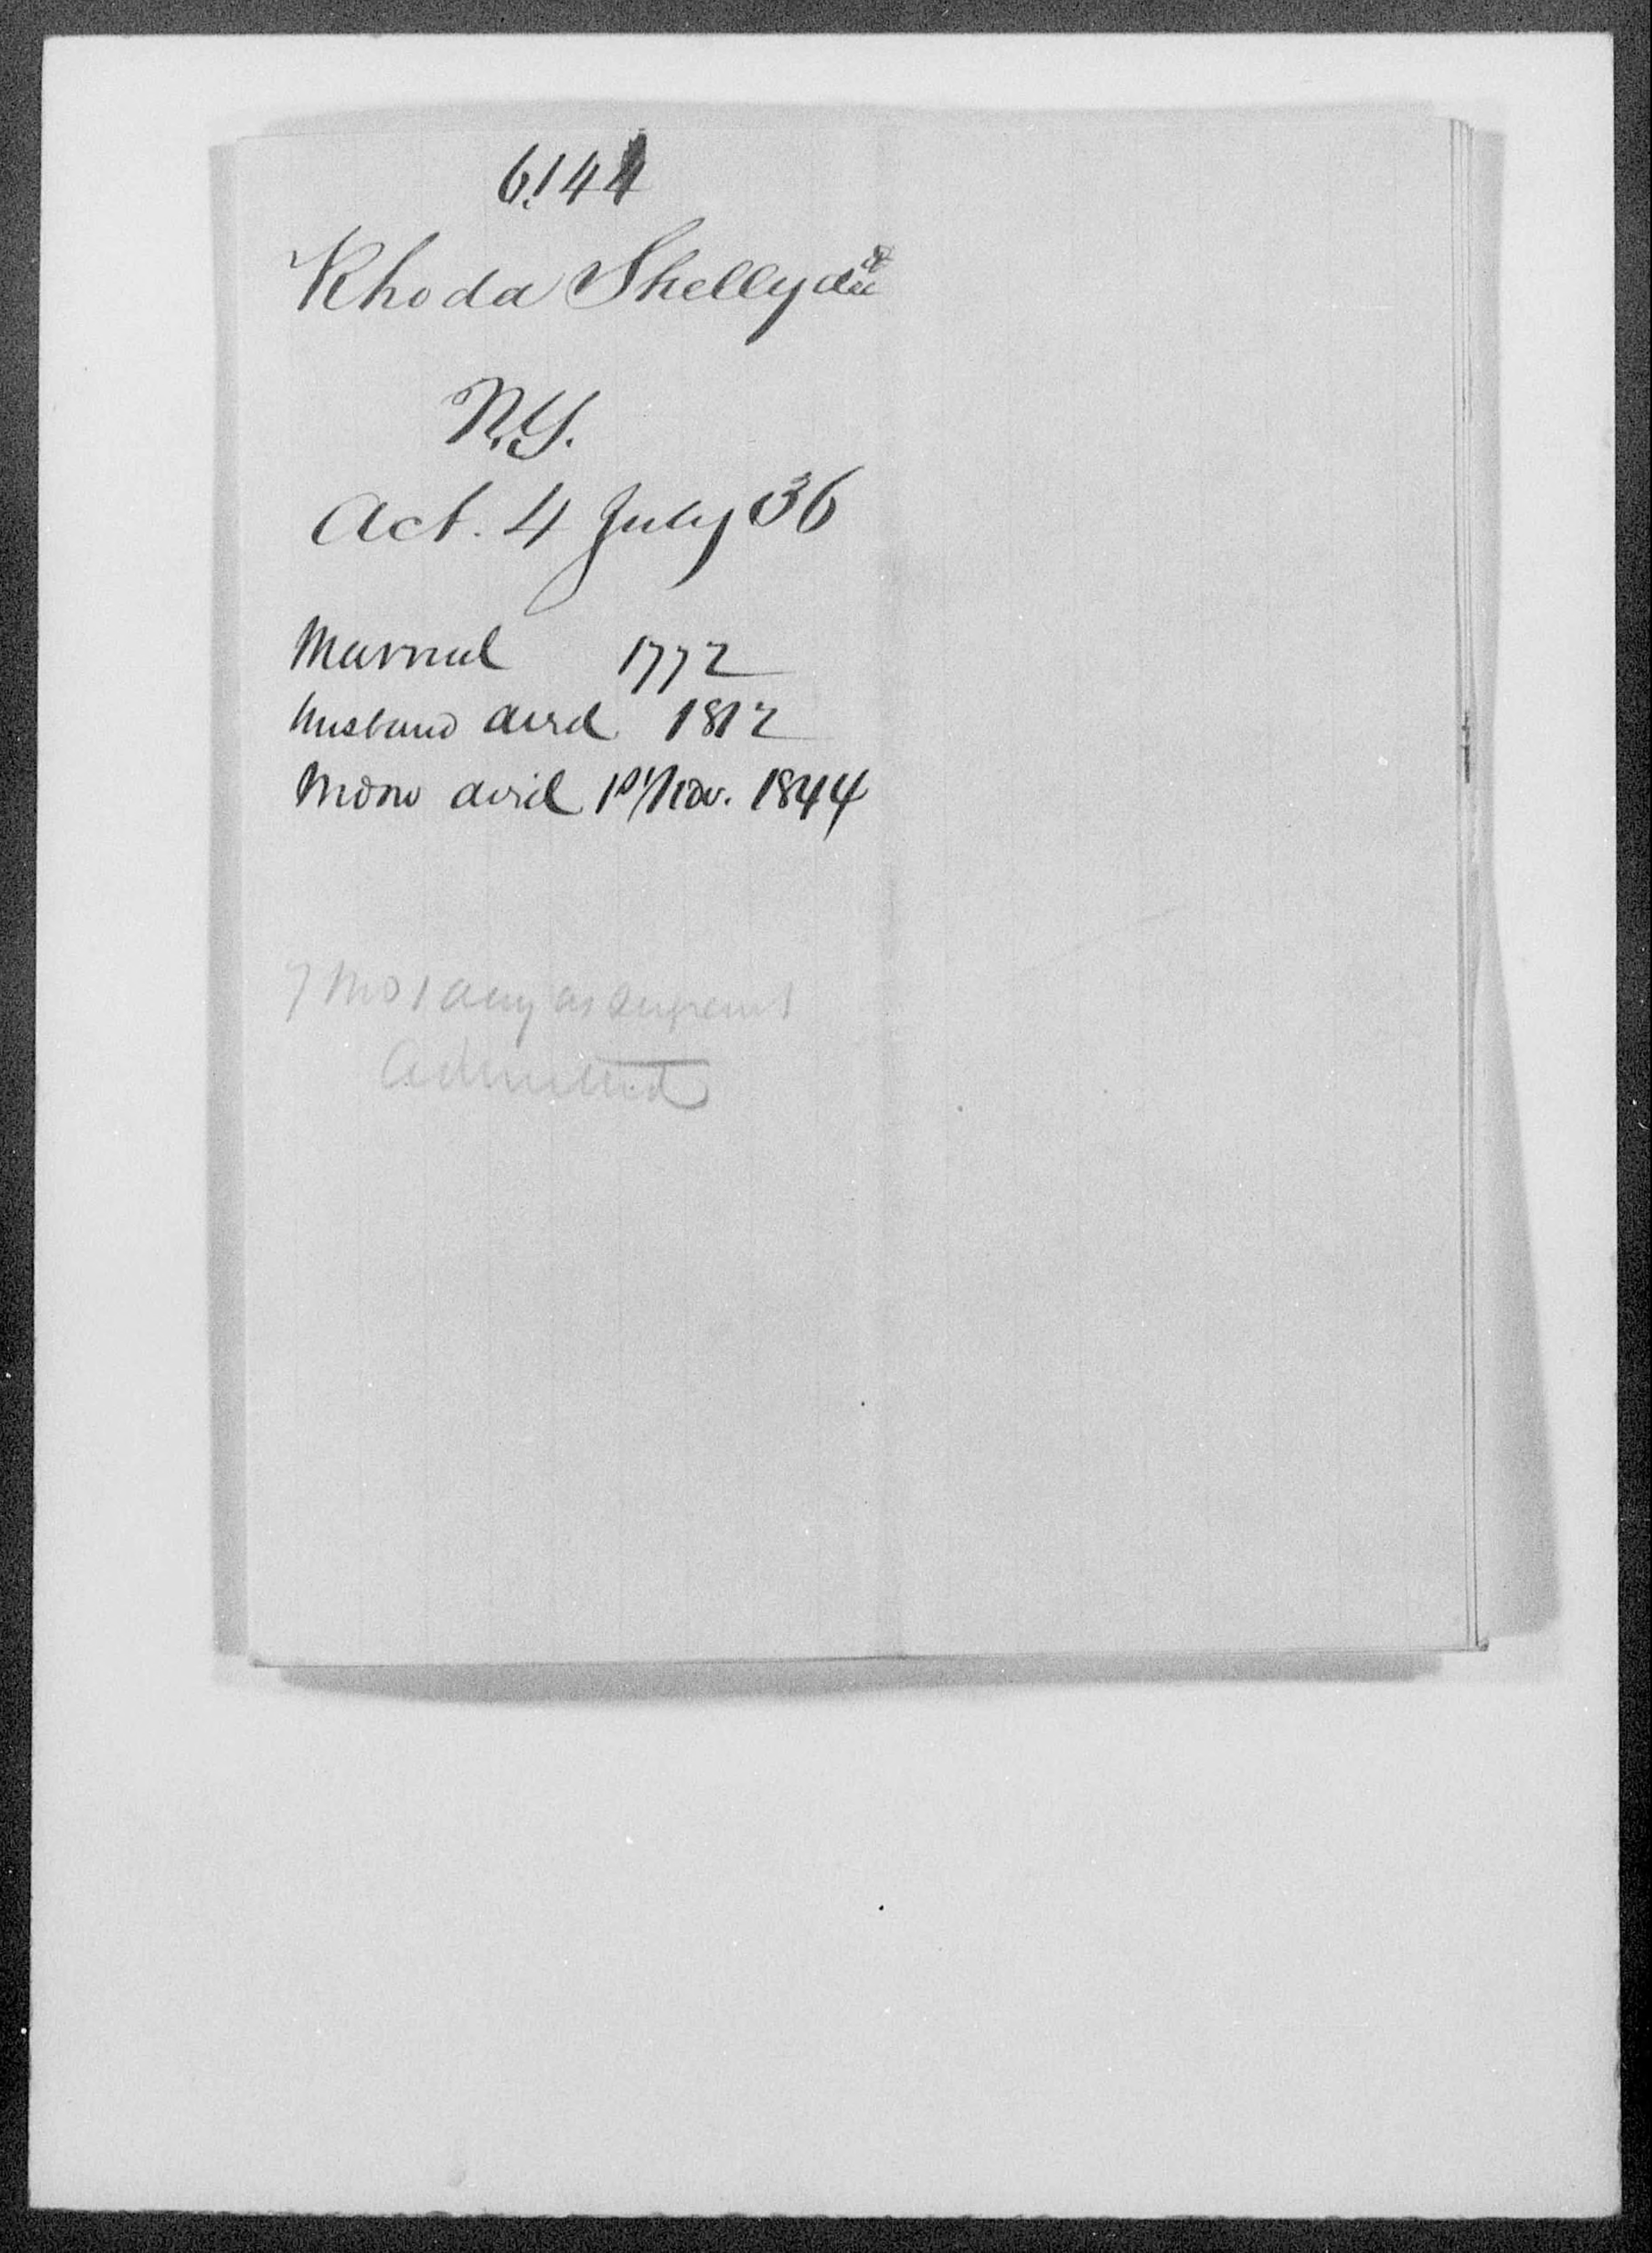6,144
Rhoda Shelly decd [deceased]

N.Y.
act. 4 July 36

Married 1772
husband died 1812
[illegible] died 10 Nov. 1844

7 mo [months] 1 day as Sergeant
admitted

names: Rhoda Shelly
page: 21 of 51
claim: widow's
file: W. 19,026, Israel Harrington, R.I.